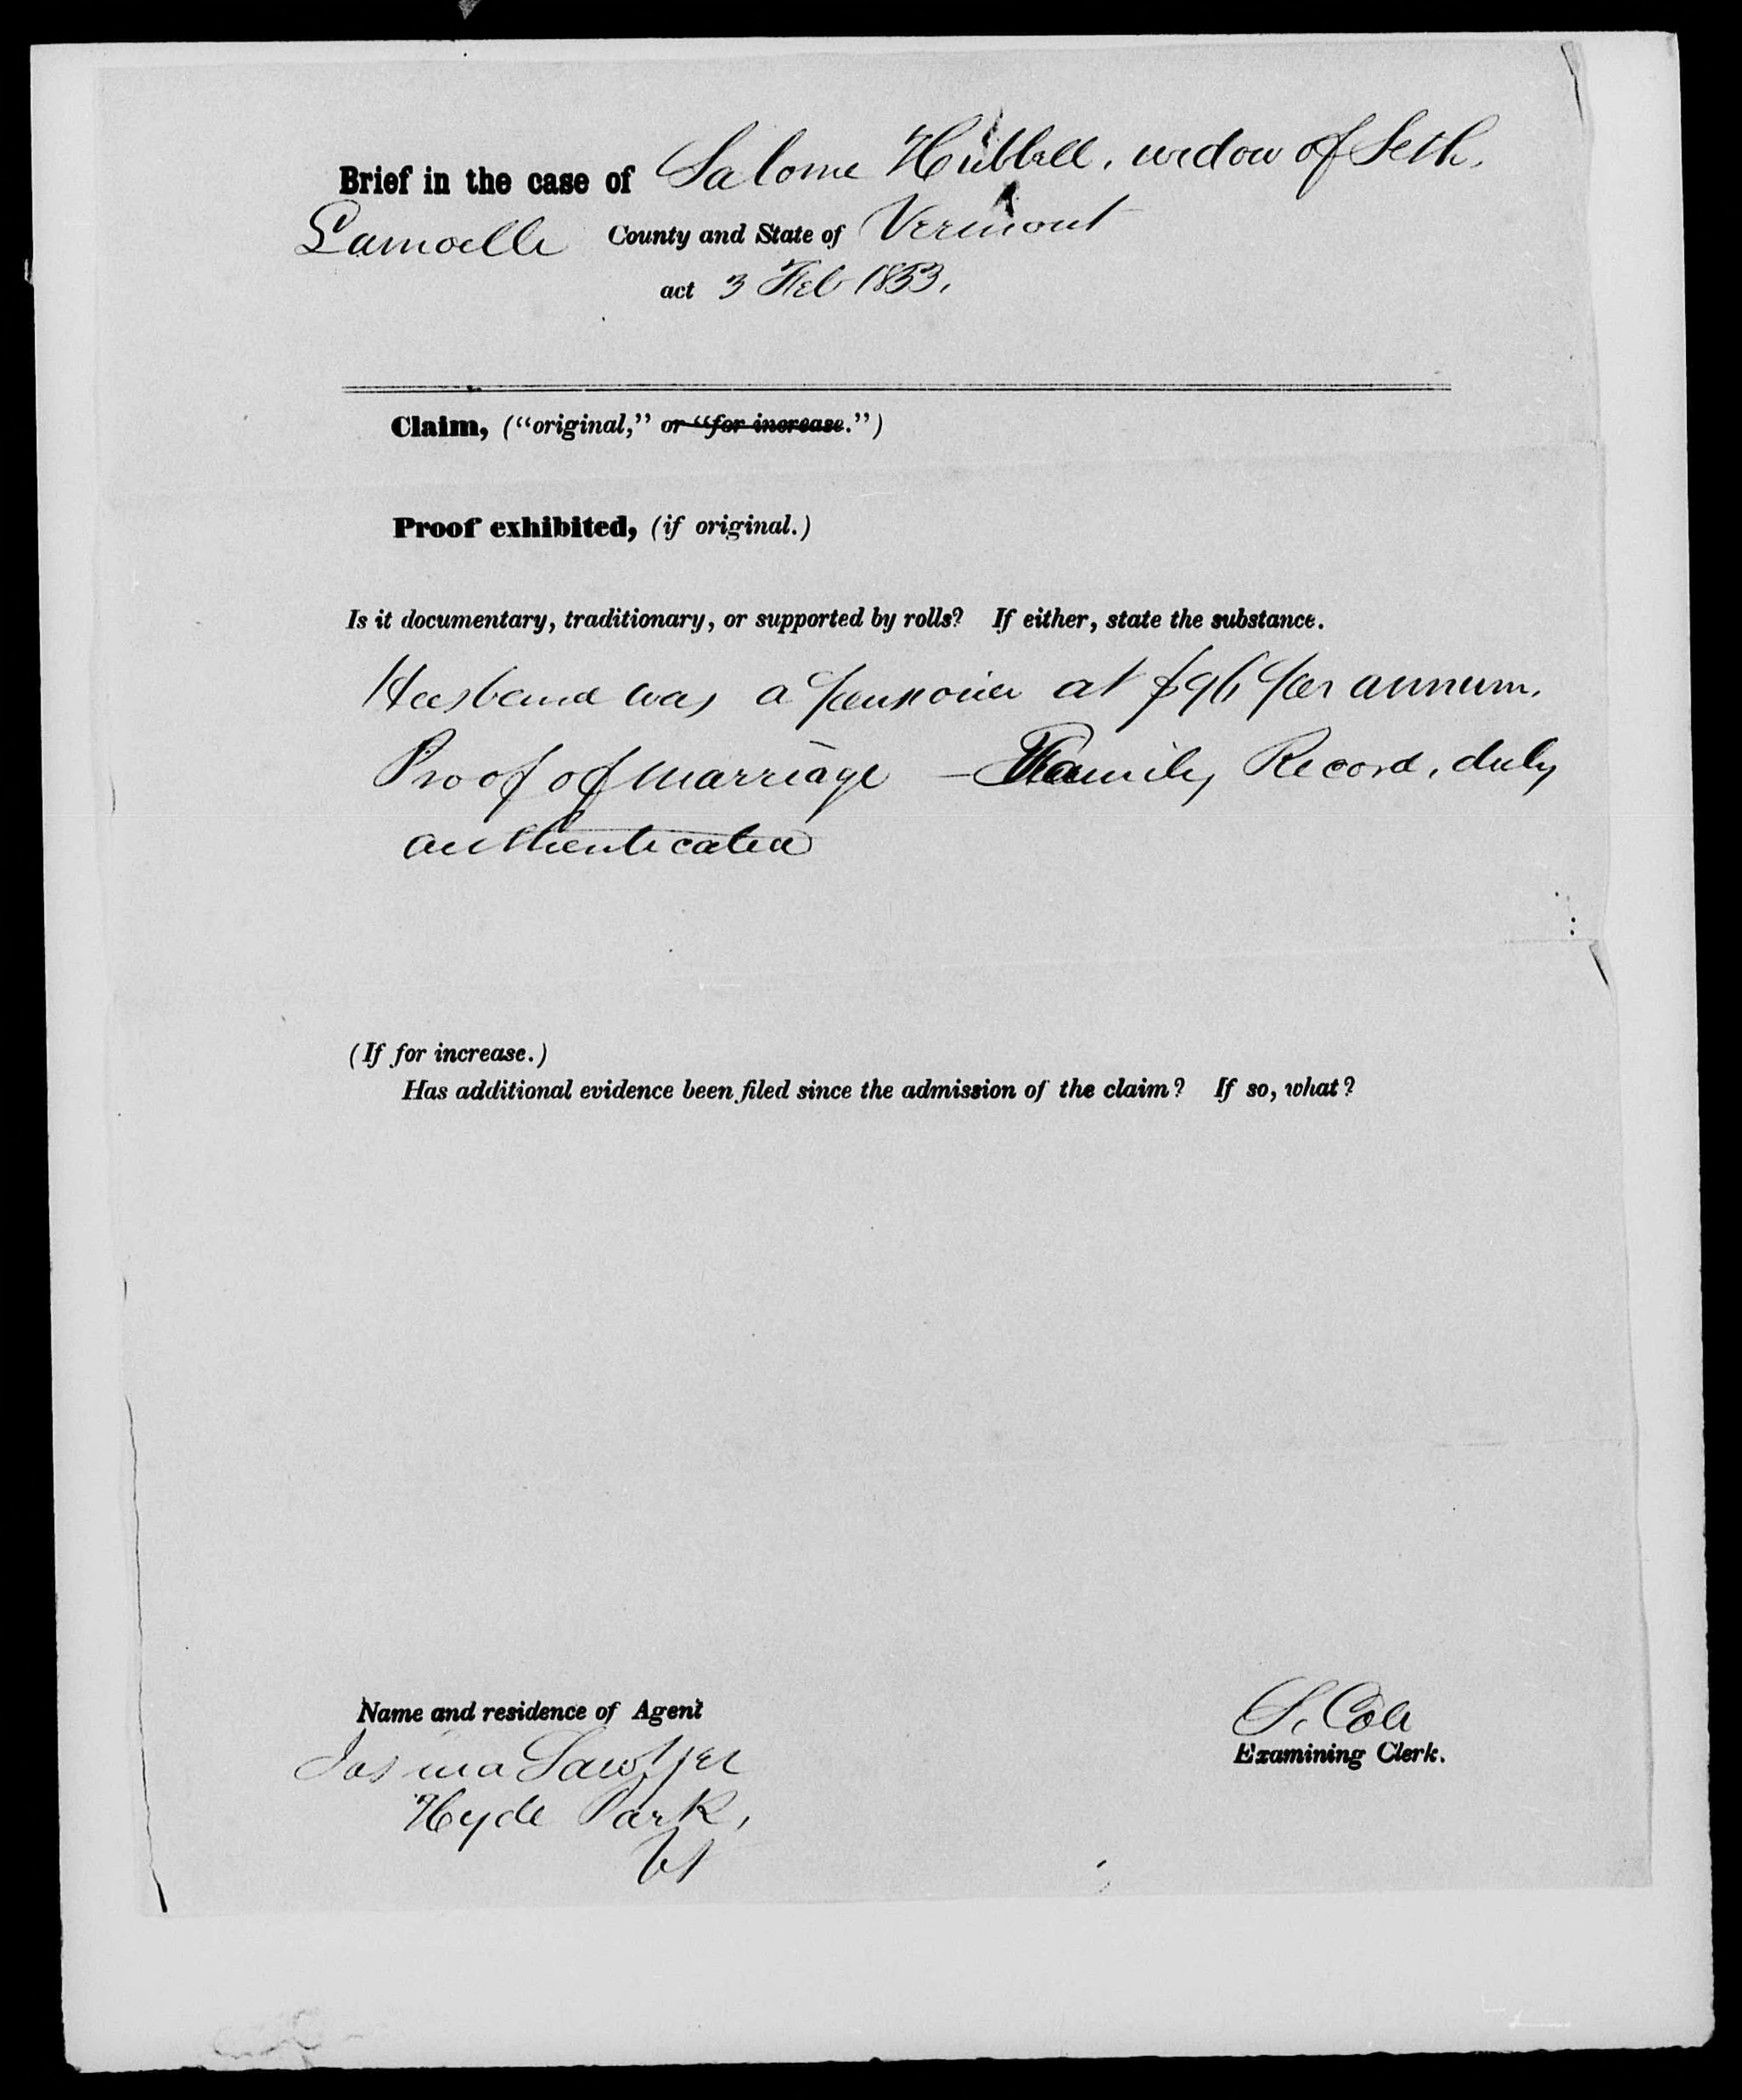Brief in the case of Salome Hubbell, widow  of Seth, Lamoille County and State of Vermont
act 3 Feb 1853.
,
Claim, ("original," [text crossed out] )
Proof exhibited, (if original.)
Is it documentary, traditionary, or supported by rolls? If either, state the substance.
Husband was a pensioner  at $96 per annum,
Proof of marriage Family Record, duly
authenticated

(If for increase.)
Has additional evidence been filed since the admission of the claim ? If so, what ?

Name and residence of Agent
Joshua Sawyer
Hyde Park, Vt

S. Cole
Examining Clerk.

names: Salome Hubbell, S Cole, Joshua Sawyer, Seth Hubbell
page: 78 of 114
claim: widow's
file: W. 2115, Seth Hubbell, Conn.